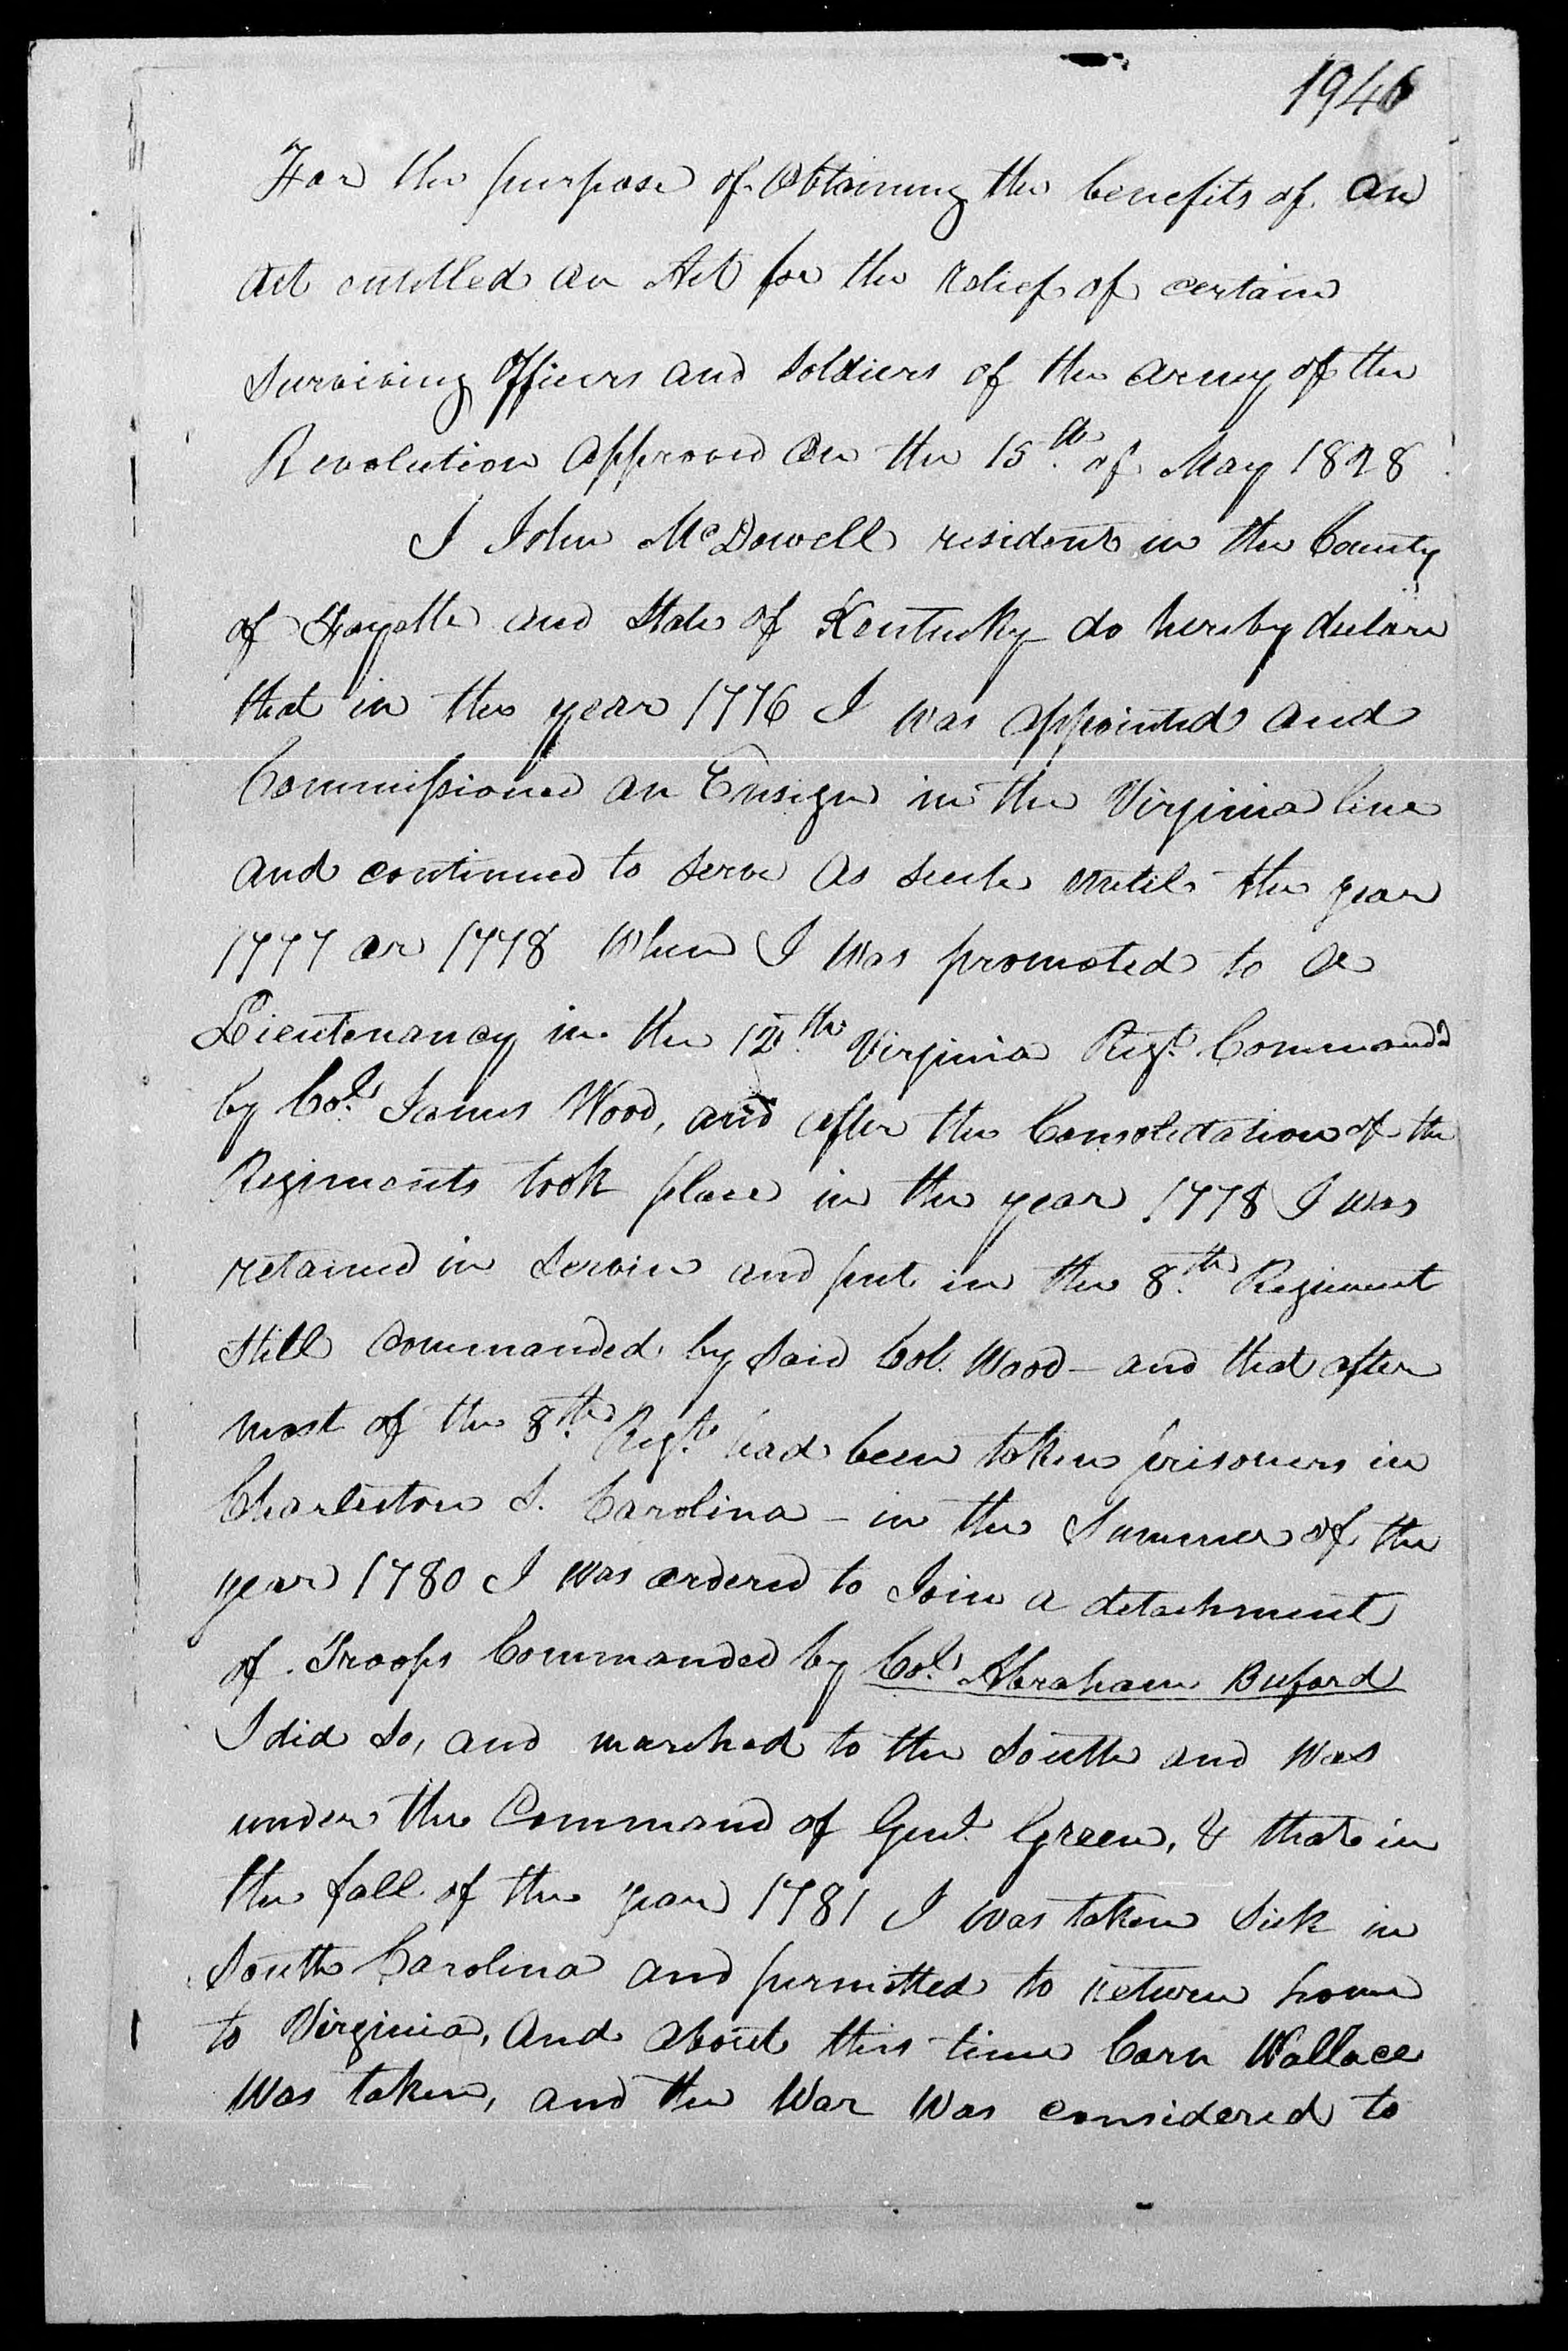1946
For the purpose of obtaining the benefits of an
act entitled as Act for the relief of certain
surviving officers and soldiers of the army of the
Revolution approved on this 15th of May 18[ ]8.
I John McDowell resident in the County of
Fayette and State of Kentucky do hereby declare
that in this year 1776 I was appointed and
commissioned as Ensign in the Virginia line
and continued to serve as such until the year
1777 or 1778. When I was promoted to a
Lieutenant in the 15th Virginia Regt. commanded 
by Col. James Wood, and after the consolidation of the
regiments took place in the year 1778 I was
retained in service and first in the 8th Regiment
still commanded by said Col. Wood--and that after
most of the 8th Regt. had been taken prisoners in
Charleston S. Carolina- in the summer of the year
1780 I was ordered to join a detachment of
troops commanded by Col. .Abraham Buford.
I did so, and marched to the south and west under
the Command of Genl Green, & that in
the fall of this year1781 I was taken sick in
South Carolina and permitted to return home
to Virginia, and about this time Corn Wallace
(Cornwallace) was taken, and the war was considered to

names: James Wood; [BLANK] Green; John Mc Dowell; Abraham Buford; [BLANK] Corn Wallace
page: 7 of 47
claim: survivor's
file: S. 30578, for John Mc Dowell, Virginia